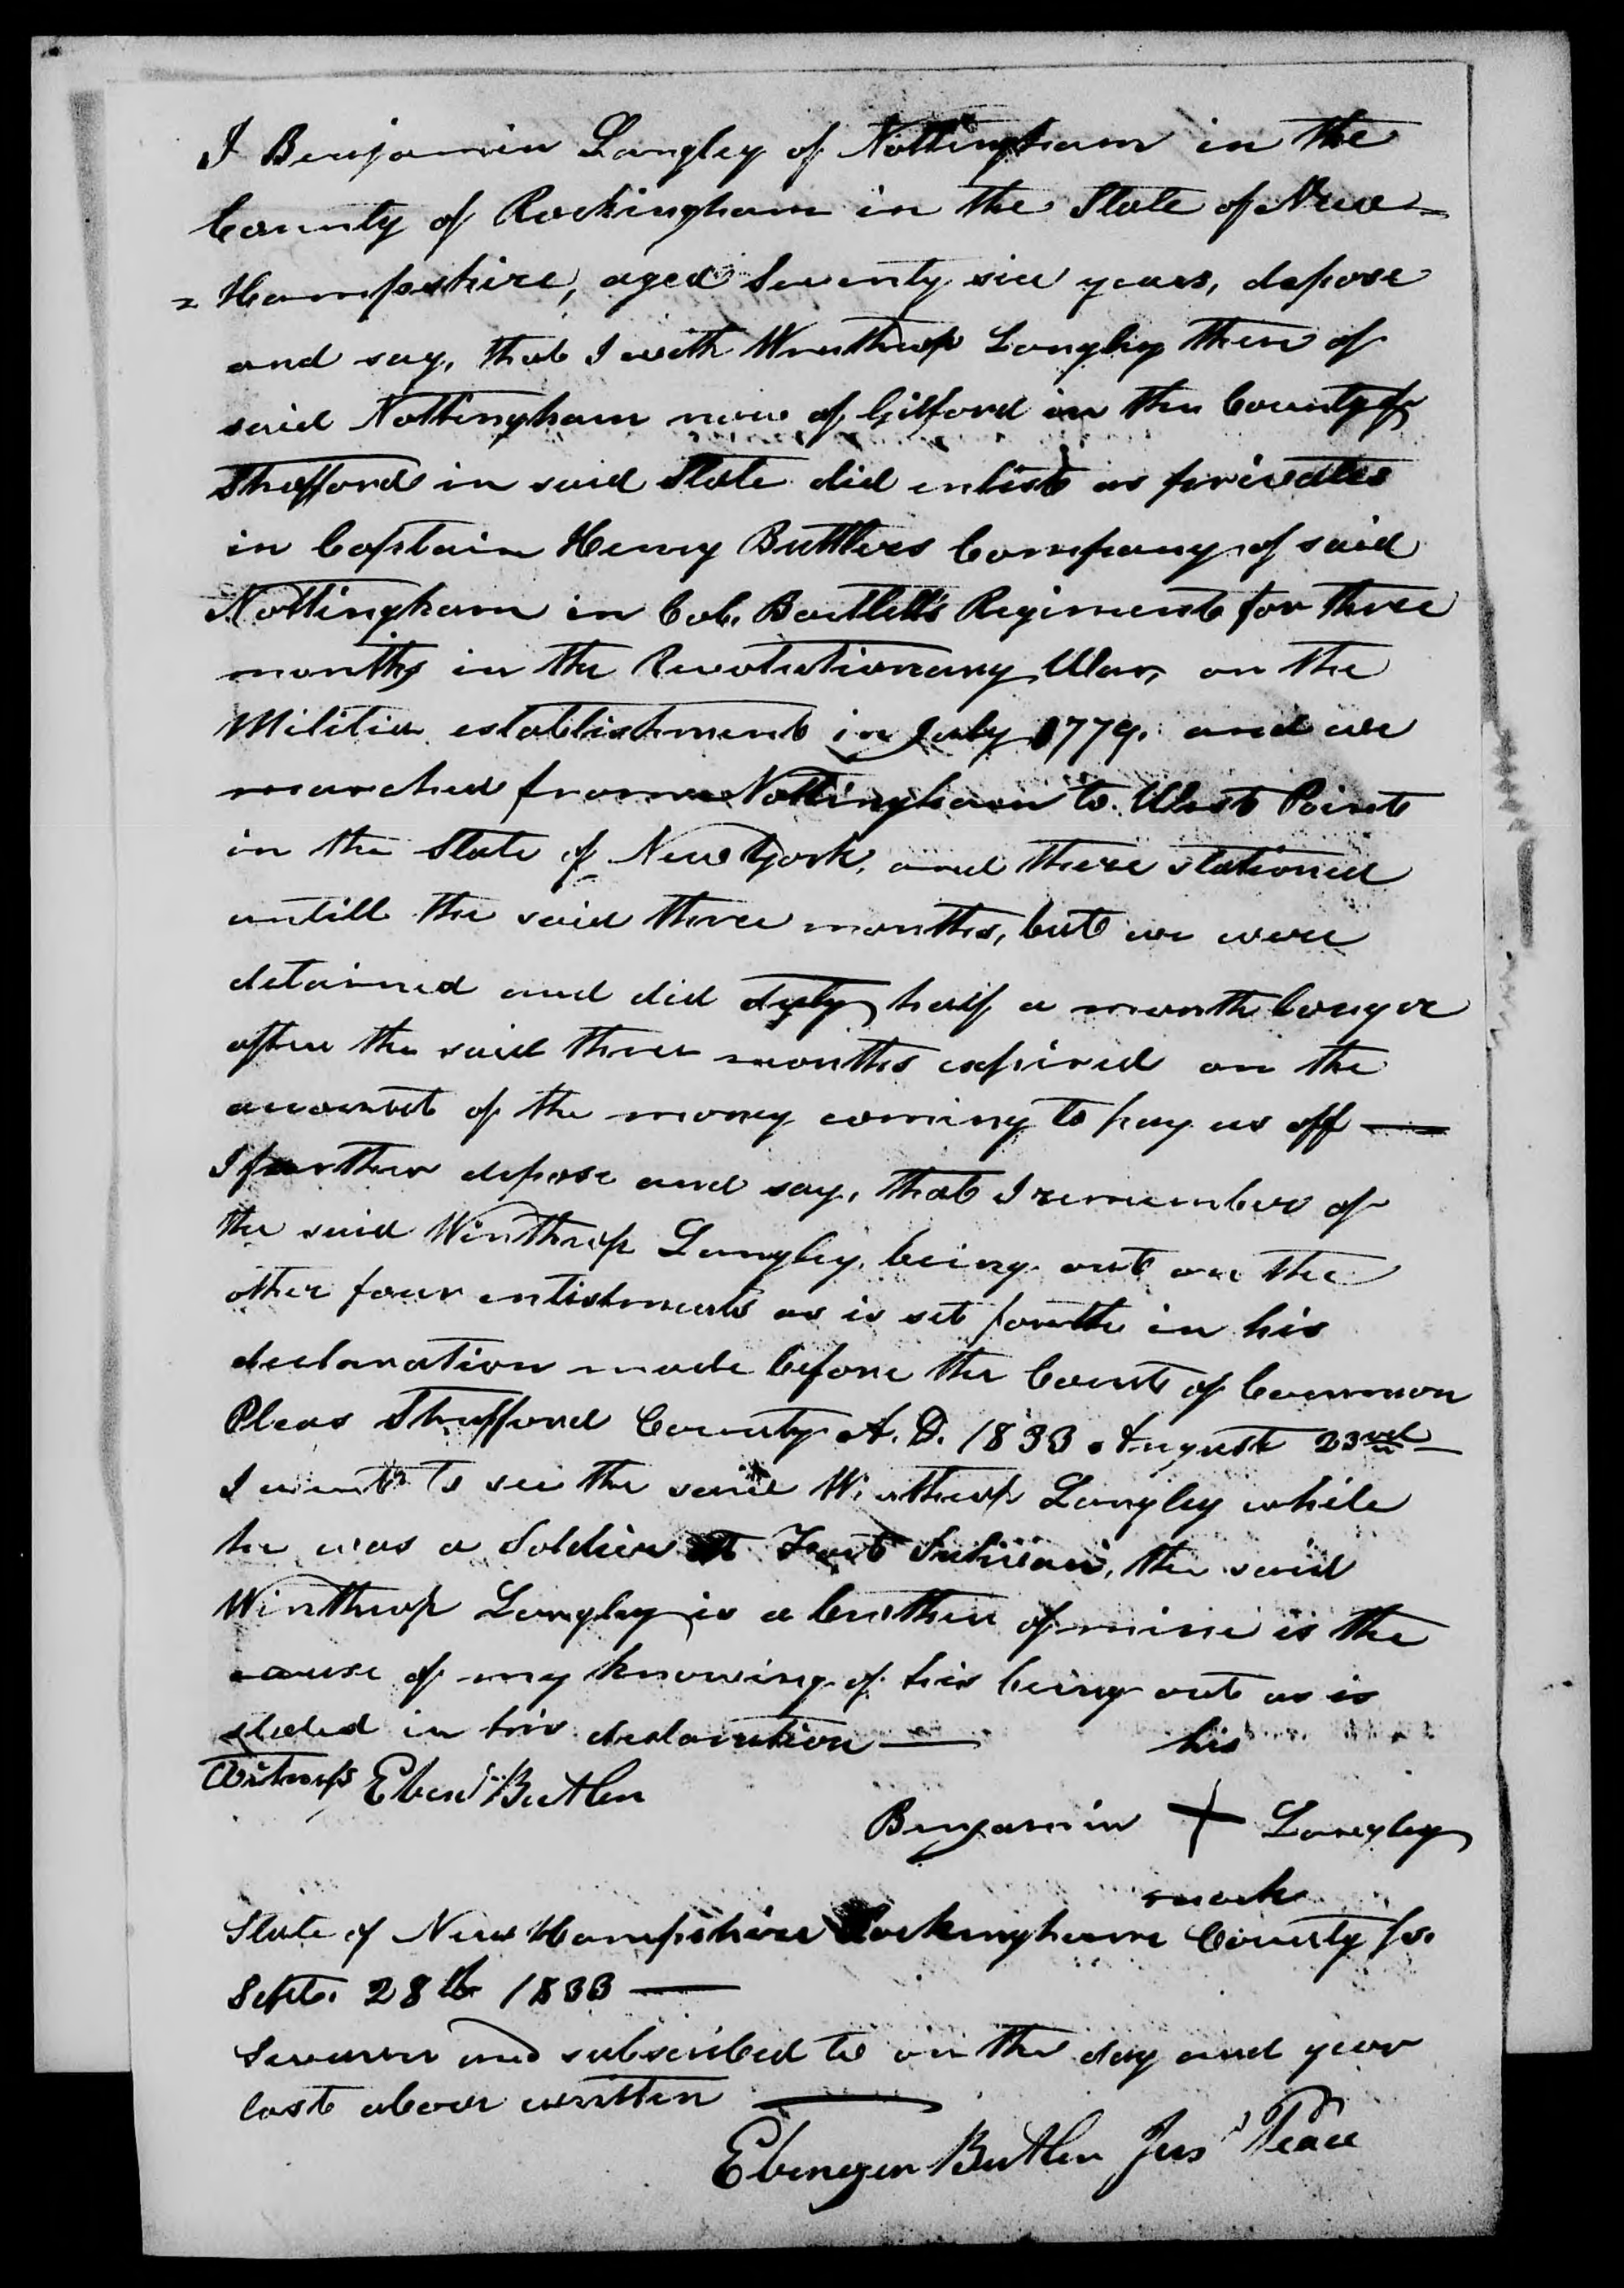I Benjamin Langley of Nottingham in the County of Rockingham in the State of New Hampshire, aged seventy six years, depose and say, that I with with Winthrop Langley then of said Nottingham now of Gilfort in the County of Shaffort in said state, die enlist as privates in Captain Henry Buttlers Company of said Nottingham in Col. Bartlett's Regiment for three months in the Revolutionary War, on the Militia establishment in July 1779, and we marched from Nottingham to West Point in the State of New York, and there stationed untill the said three months, but we were detained and did duty half a month longer after the said three months expired on the
account of the money coming to pay us off.  I further depose and say, that I remember of
the said Winthrop Langley, being out on the other four enlistments as is set forth in his
declaration made before the Court of Common Pleas Shafford County A. D. 1833 August 23d. I went to see the said Winthrop Langley while he was a soldier at Fort Pitman, the said Winthrop Langley is a brother of mine is the cause of my knowing of his being out as is stated in this declaration

Benjamin Langley (his mark)

Witness Eben Butler

State of New Hampshire Rockingham County ss

Sept. 28th 1833

Sworn and subscribed to on the day and year last above written

Ebenezer Butler Jus Peace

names: Benjamin Langley; Ebenezer Butler; Winthrop Langley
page: 3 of 7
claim: survivor's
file: S. 22874, for Winthrop Langley, New Hampshire